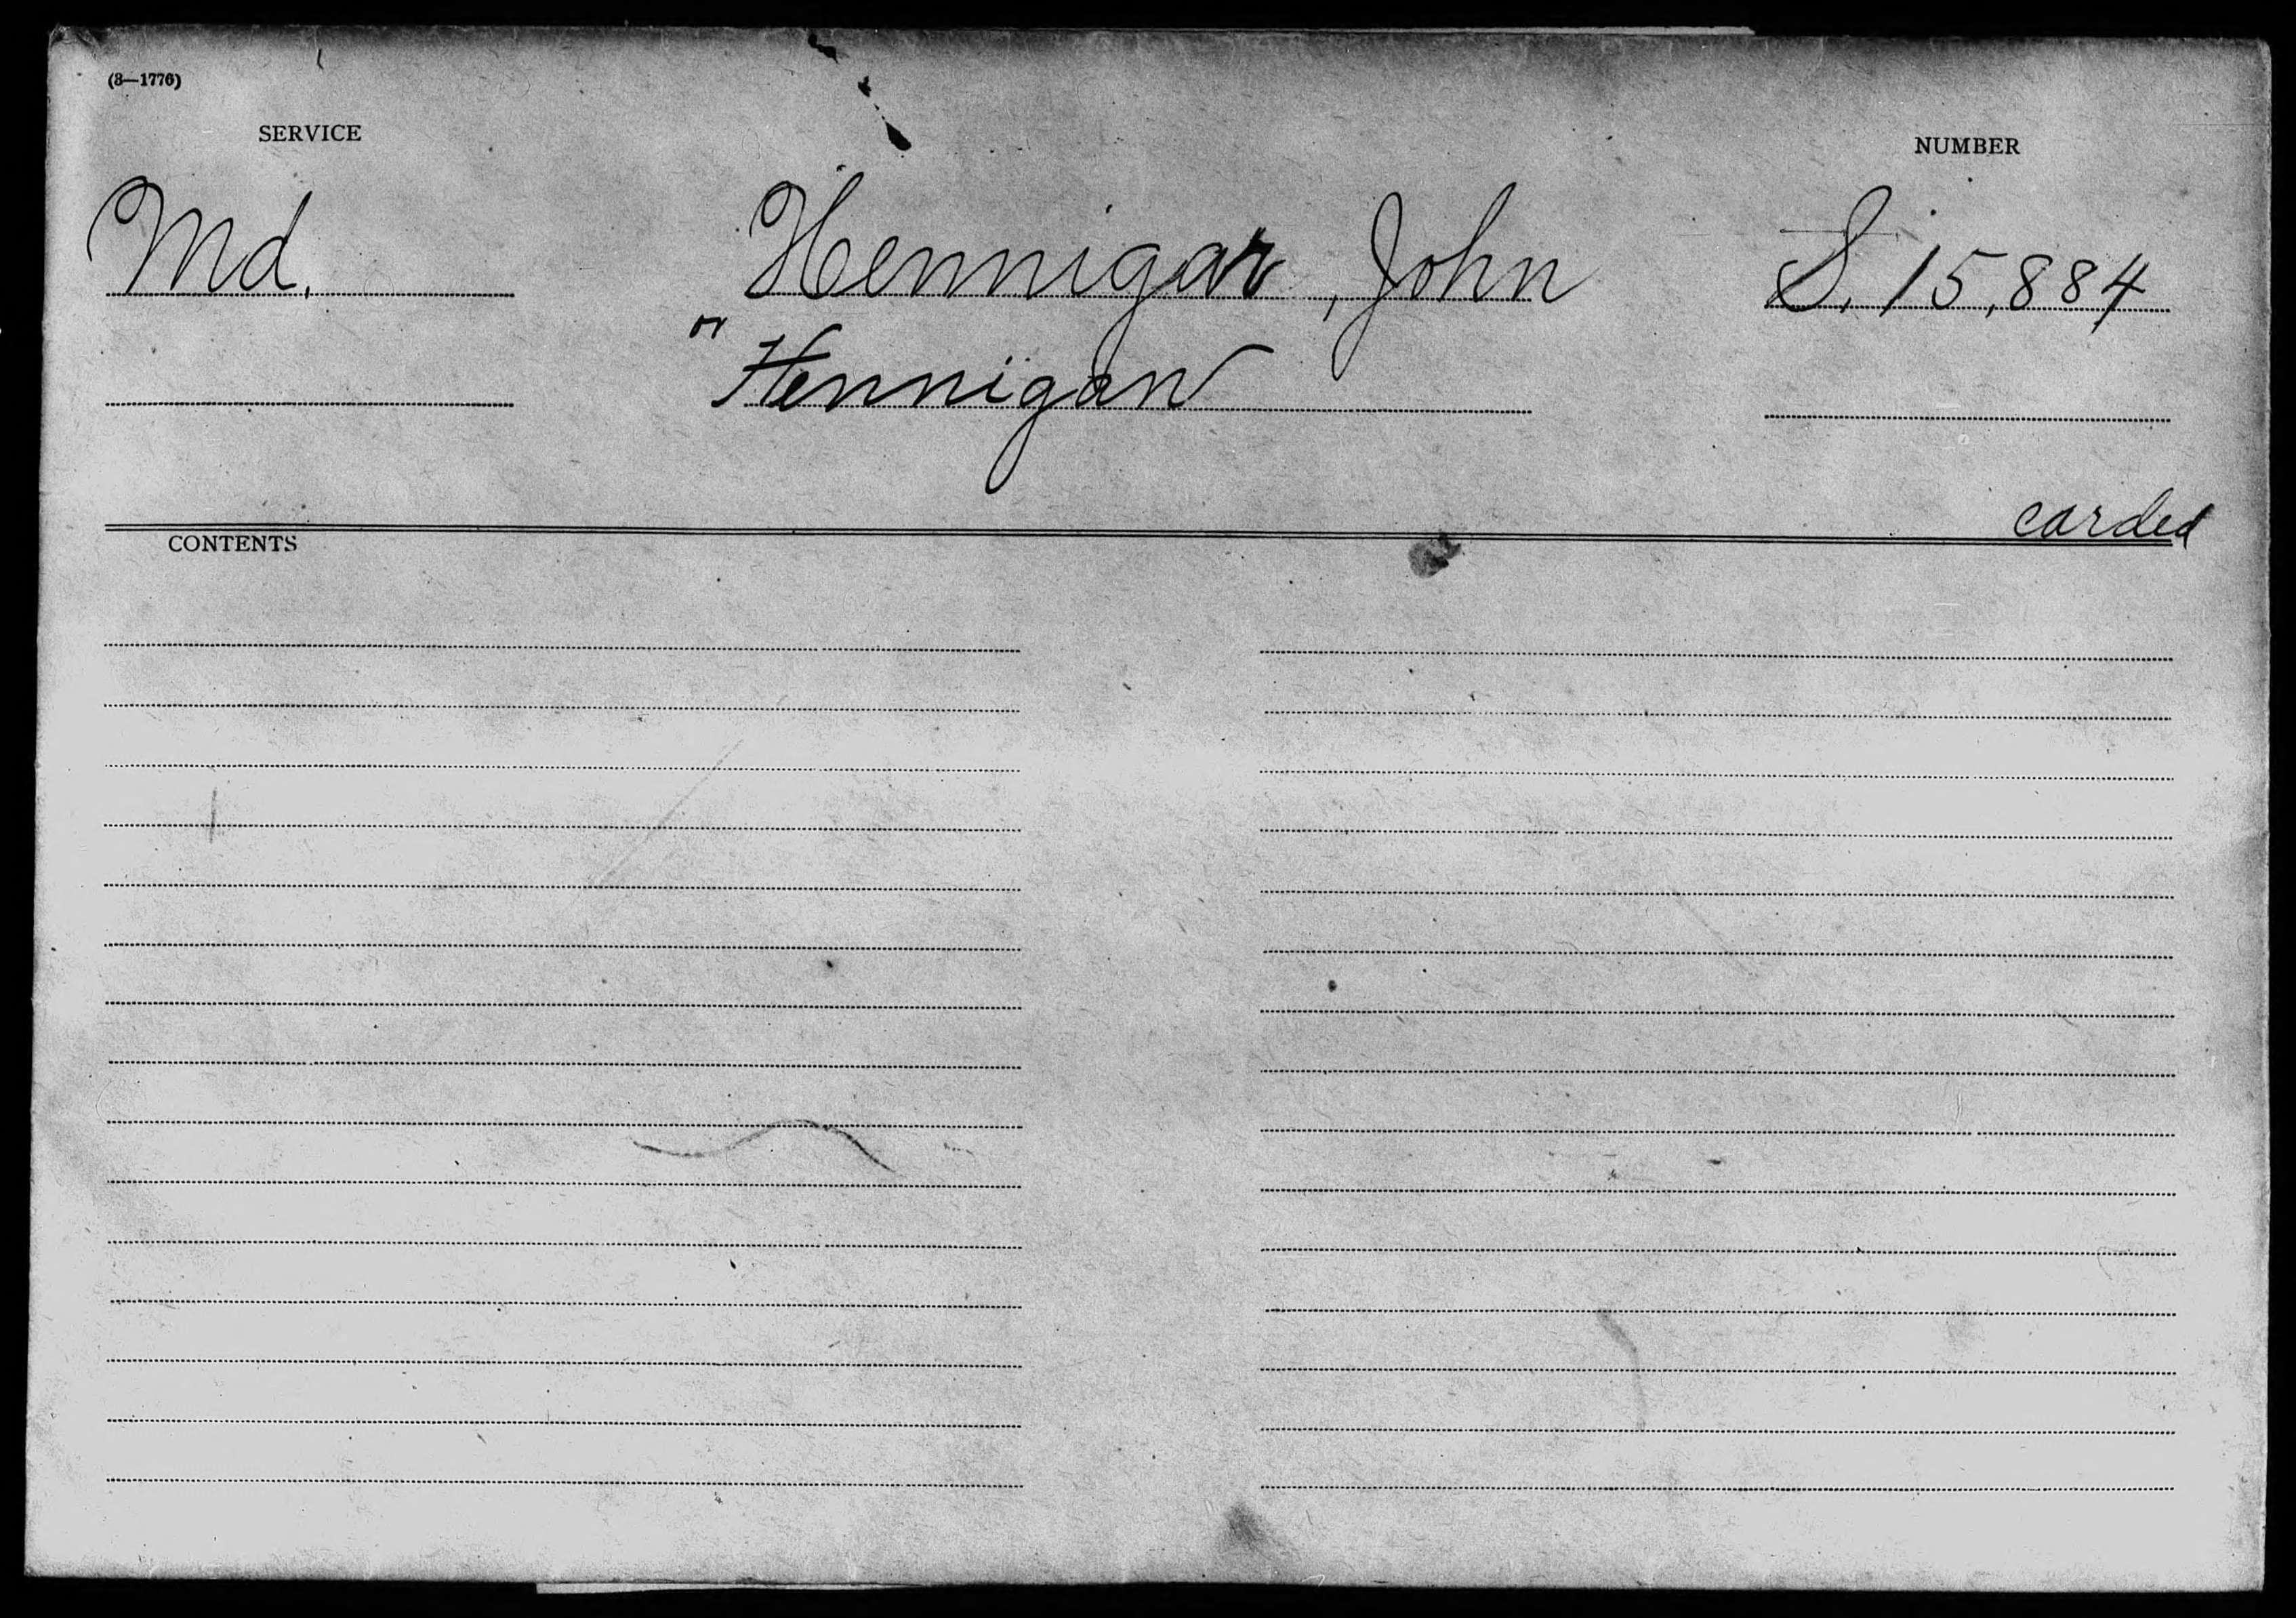Service
MD

Name
Hennigar, John
or Hennigan

Number
S.15884

carded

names: John Hennigan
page: 1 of 18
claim: survivor's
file: S. 15,884, John Hennigar, Md.